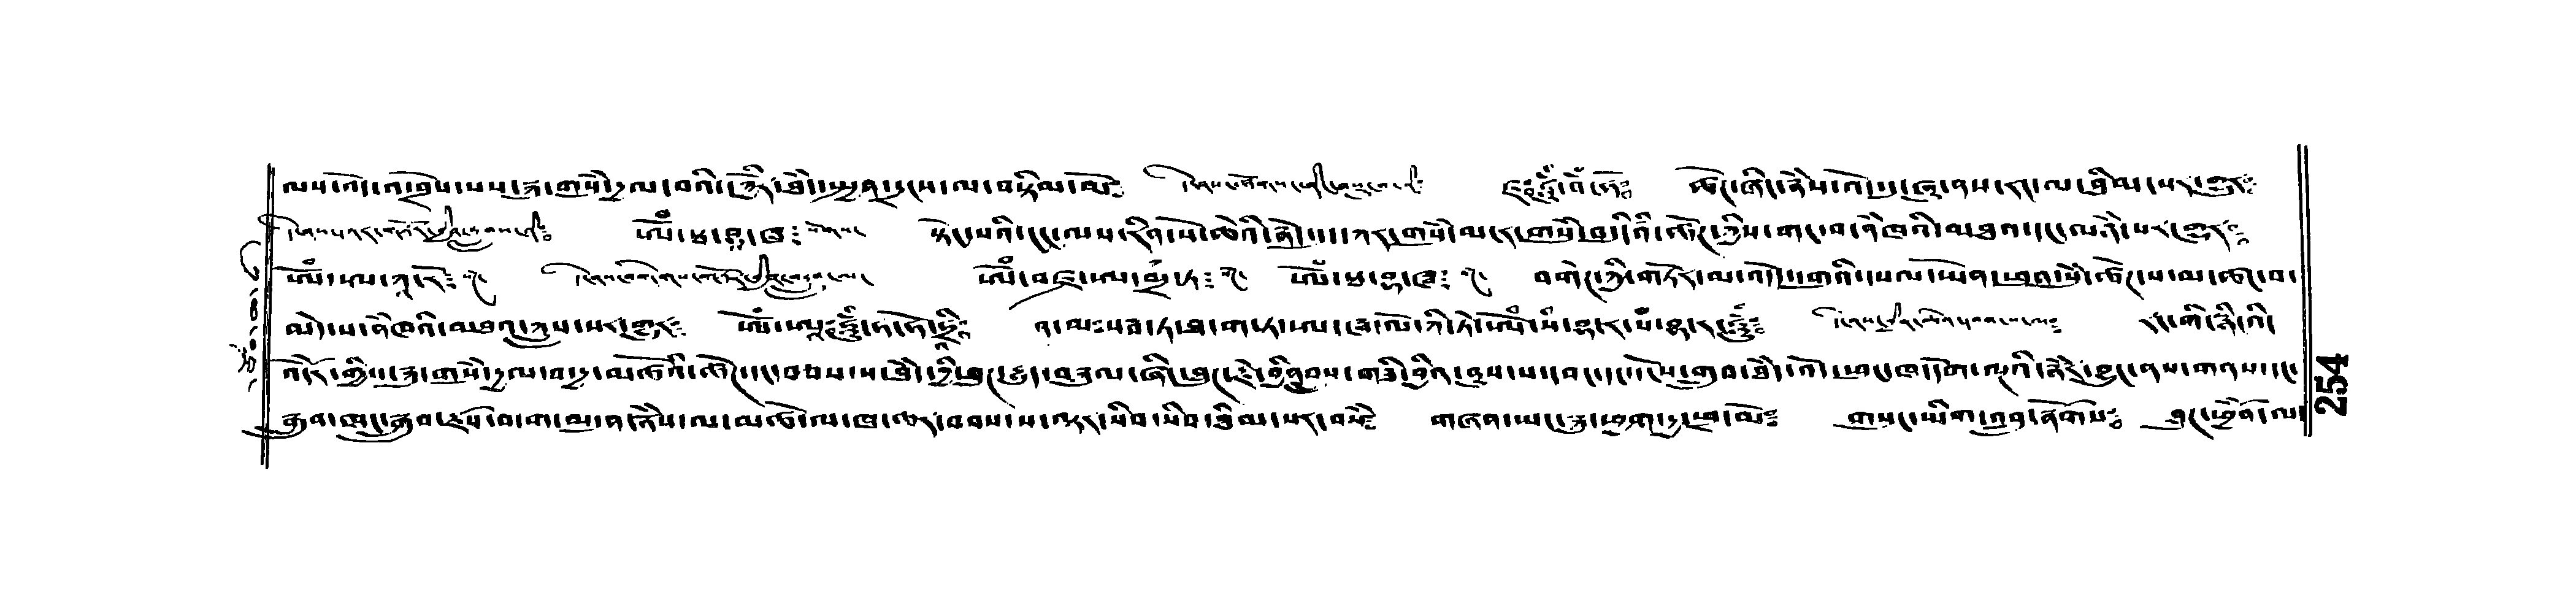ལས་འོད་འཕྲོས་པས་སྐུ་གསུམ་རྒྱལ་བའི་དཀྱིལ་འཁོར་ཐམས་ཅད་སྤྱན་དྲངས་ལ་བསྟིམ་མོ༔ དེ་ནས་ཚོགས་ཞིང་བསྡུ་བ་ནི༔ ཛཿཧཱུྃ་བྃ་ཧོཿ ཚོགས་ཞིང་རྣམས་འོད་དུ་ཞུ་ནས་རང་ལ་ཐིམ་པར་གྱུར༔
དེ་ནས་དཀར་གཏོར་བྱིན་རླབས་ནི༔ ཨོཾ་སྭ་བྷཱ་ཝ༴ སོགས༔ སྟོང་པའི་ངང་ལས་རིན་པོ་ཆེའི་སྣོད་དུ་དཀར་གསུམ་མངར་གསུམ་བདུད་རྩིའི་ཚོགས་ཀྱིས་གང་བ་ནམ་མཁའི་མཐའ་དང་མཉམ་པར་གྱུར༔ 
ཨོཾ་ཨ་ཀཱ་རོ༴ སོགས༔ དེ་ནས་བགེགས་གཏོར་བྱིན་བརླབ་ལ༔ ཨོཾ་བཛྲ་ཨ་མྲྀ་ཏ༴ སོགས༔ ཨོཾ་སྭ་བྷ་ཝ༴ སོགས༔ བགེགས་ཀྱི་གཏོར་མ་འདོད་དགུའི་དཔལ་ཡོན་ཕུན་སུམ་ཚོགས་པ་མ་ཚང་བ་
མེད་པ་ནམ་མཁའ་མཐའ་ཀླས་པར་གྱུར༔ ཨོཾ་ཨཱཿཧཱུྃ་ཧ་ཧོ་ཧྲཱིཿ ན་མཿསརྦ་ཏ་ཐ་ག་ཏ་ཨ་ཝ་ལོ་ཀི་ཏེ་ཨོཾ་སཾ་བྷ་ར་སཾ་བྷ་ར་ཧཱུྃ༔ དེ་ནས་བྱིན་ཆེན་དབབ་པ་ལ༔ རང་གི་སྙིང་གའི་
འོད་ཟེར་གྱིས་སྐུ་གསུམ་རྒྱལ་བ་རྒྱ་མཚོའི་ཚོགས་དང་བཅས་པ་ཐམས་ཅད་ཀྱི་ཐུགས་རྒྱུད་བསྐུལ་ཞིང་ཐུགས་རྗེ་བྱིན་རླབས་གཟི་བྱིན་ནུས་པ་དབང་དང་དངོས་གྲུབ་ཐམས་ཅད་འོད་ཕུང་ཁ་དོག་ལྔའི་རྣམ་པར་བྱུང་ནས་གནས་དང་
སྒྲུབ་ཁང་སྒྲུབ་རྫས་བདག་མདུན་རྣམས་ལ་མཚོ་ལ་ཁ་ཆར་བབས་པ་ལྟར་སིབ་སིབ་ཐིམ་པར་བསམ༔ གཞན་ཡང་སྐུ་ཕྱག་རྒྱ་ཕྲ་མོ༔ གསུང་ཡིག་འབྲུ་སྣ་ཚོགས༔ ཐུགས་ཕྱག་མཚན་ལ་